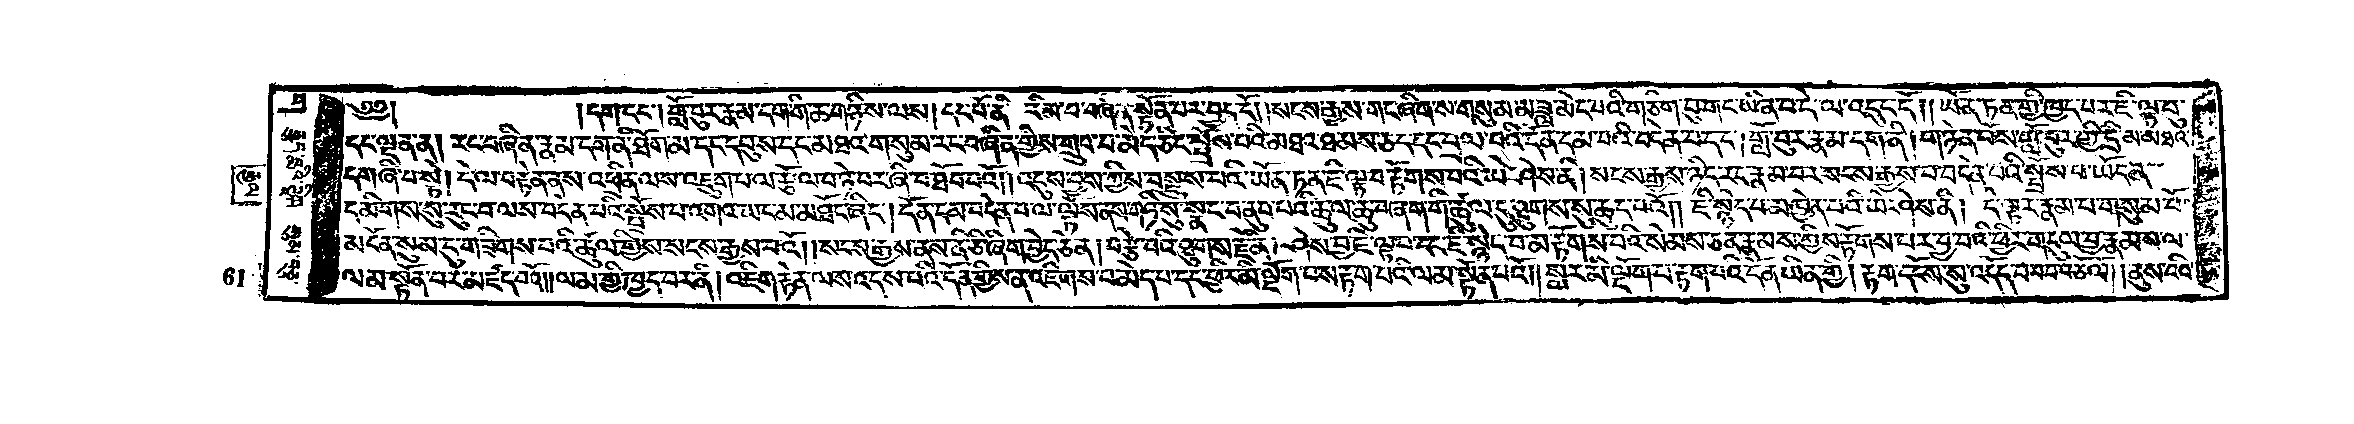༄༅། །དག་དང་། གློ་བུར་རྣམ་དག་གི་ཆ་གཉིས་ལས། དང་པོ་ནི། རིམ་པ་བཞིན་སྟོན་པར་བྱད་དོ། །སངས་རྒྱས་གང་ཞིག་ས་གསུམ་མ་ཟླ་མེད་པའི་གཅིག་པུ་གང་ཡིན་པ་དེ་ལ་འདུད་དོ། །ཡོན་ཏན་གྱི་ཁྱད་པར་ཇི་ལྟ་བུ་
དང་ལྡན་ན། རང་བཞིན་རྣམ་དག་ནི་ཐོག་མ་དང་དབུས་དང་མཐའ་གསུམ་རང་བཞིན་གྱིས་གྲུབ་པ་མེད་ཅིང་སྤྲོས་པའི་མཐའ་ཐམས་ཅད་དང་བྲལ་བའི་དོན་དམ་པའི་བདེན་པ་དང་། གློ་བུར་རྣམ་དག་ནི། གཉེན་པོས་གློ་བུར་གྱི་དྲི་མ་མཐའ་
དག་ཞི་བ་སྟེ། དེ་ལ་བརྟེན་ནས་འཕྲིན་ལས་འཇུག་པ་ལ་རྩོལ་བ་ཉེ་བར་ཞི་བ་ཐོབ་པའོ། །འདུས་བྱས་ཀྱིས་བསྡུས་པའི་ཡོན་ཏན་ཇི་ལྟ་བ་རྟོགས་པའི་ཡི་ཤེས་ནི། སངས་རྒྱས་ཀྱི་རང་རྣམ་པར་སངས་རྒྱས་པ་བདེན་པའི་སྤྲོས་པ་ཡོད་ན་
དམིགས་སུ་རུང་བ་ལས་བདེན་པའི་སྤྲོས་པ་འགའ་ཡང་མ་མཐོང་ཞིང་། དོན་དམ་བདེན་པ་ལ་ལྟོས་ནས་གཉིས་སུ་སྣང་བ་ནུབ་པའི་ཆུ་ལ་ཆུ་བཞག་གི་ཚུལ་དུ་ཐུགས་སུ་ཆུད་པའོ། །ཇི་སྙེད་པ་མཁྱེན་པའི་ཡི་ཤེས་ནི། དེ་ལྟར་ནམ་པ་གསུམ་པོ་
མངོན་སུམ་དུ་གཟིགས་པའི་ཚུལ་གྱིས་སངས་རྒྱས་པའོ། །སངས་རྒྱས་ནས་ནི་ཅི་ཞིག་བྱེད་ཅེ་ན། བརྩེ་བའི་ཐུགས་རྗེ་ནི། ཤེས་བྱ་ཇི་ལྟ་བ་དང་ཇི་སྙེད་པ་མ་རྟོགས་པའི་སེམས་ཅན་རྣམས་ཀྱིས་རྟོགས་པར་བྱ་བའི་ཕྱིར་གདུལ་བྱ་རྣམས་ལ་
ལམ་སྟོན་པར་མཛད་པའོ། །ལམ་གྱི་ཁྱད་པར་ནི། འཇིག་རྟེན་ལས་འདས་པའི་དོན་གྱིས་ན་འཇིགས་པ་མེད་པ་དང་ཕྱིར་མི་ལྡོག་པས་རྟག་པའི་ལམ་སྟོན་པའོ། །སླར་མི་ལྡོག་པ་རྟག་པའི་དོན་ཡིན་གྱི་།རྟག་དངོས་སུ་འདོད་པ་བབ་བཅོ་ལོ། །ནུས་པའི་